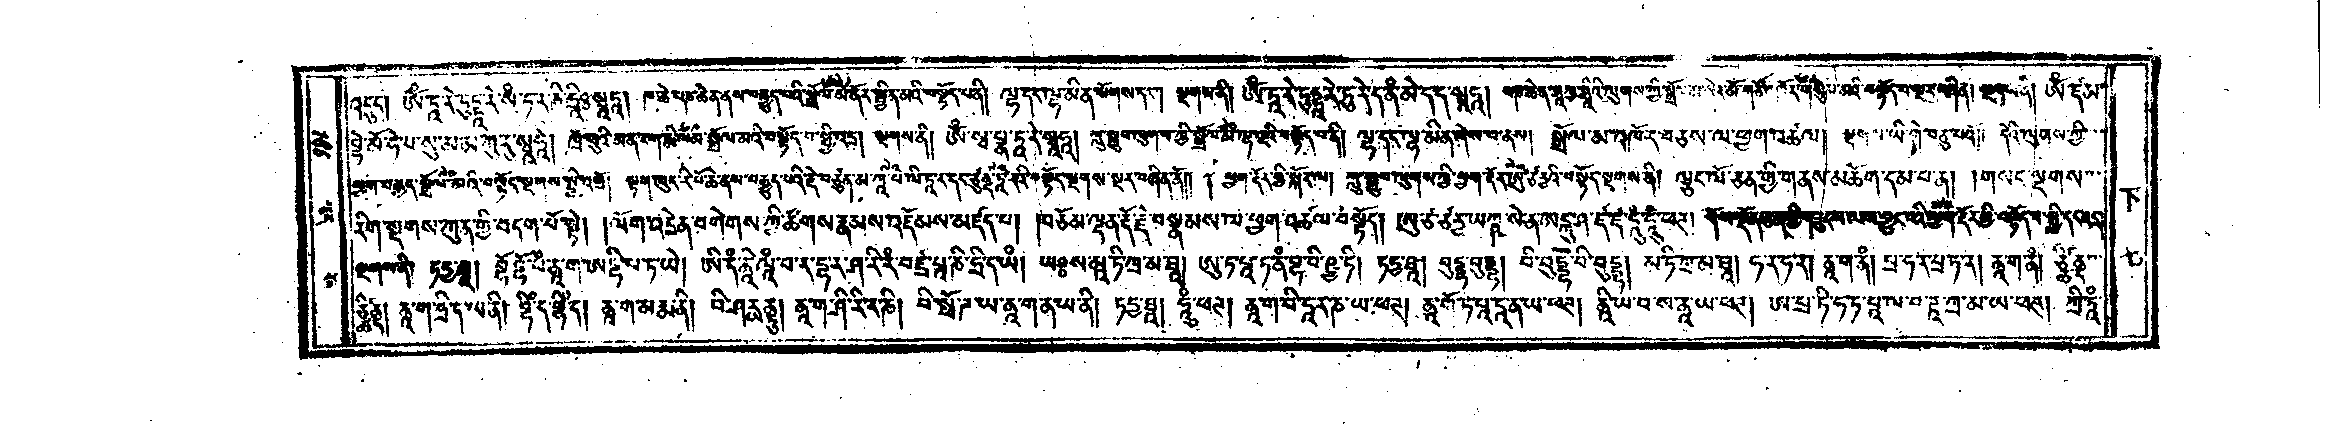འདུད། ཨོཾ་ཏཱ་རེ་ཏུཏྟཱ་རེ་སཾ་ཏ་ར་ཎི་ཧྲཱིཿསྭཱཧཱ། ཁ་ཆེ་པཎ་ཆེན་ནས་བརྒྱུད་པའི་སྒྲོལ༦༧་མ་ནོར་སྦྱིན་མའི་བསྟོད་པ་ནི། ལྷ་དང་ལྷ་མིན་སོགས་དང་། སྔགས་ནི།  ཨོཾ་ཏཱ་རེ་ཏུཏྟཱ་རེ་ཏུ་རེ་ད་ནཾ་མེད་ད་སྭཱཧཱ། པཎ་ཆེན་ཤཱཀྱ་ཤྲཱིའི་ལུགས་ཀྱི་སྒྲོལ་མ་སེར་མོ་གཙོ་འཁོར་གསུམ་མའི་བསྟོད་པ་སྔར་བཞིན། སྔགས་ནི།  ཨོཾ་ཛམ་
བྷེ་མོ་ཧེ་པ་སུ་མ་མ་ཀུ་རུ་སྭཱཧཱ། ཁྲོ་ཕུའི་མན་ངག་རྨི་ལམ༦༩་སྒྲོལ་མའི་བསྟོད་པ་སྤྱི་འདྲ། སྔགས་ནི། ཨོཾ་སྭ་པྣ་ཏཱ་རེ་སྭཱཧཱ། ཀླུ་སྒྲུབ་ལུགས་ཀྱི་སྒྲོལ་མ༧༠་ལྷ་ལྔའི་བསྟོད་པ་ནི། ལྷ་དང་ལྷ་མིན་ཞེས་པ་ནས།  སྒྲོལ་མ་འཁོར་བཅས་ལ་ཕྱག་འཚལ། སྔགས་ཡི་གེ་བཅུ་པའོ།། དེའི་ལུགས་ཀྱི་
ཕྱག་བརྒྱད་སྒྲོལ༧༡་མའི་བསྟོད་སྔགས་སྤྱི་འགྲོ། སྟག་ལུང་རི་པོ་ཆེ་ནས་བརྒྱུད་པའི་རྗེ་བཙུན་མ་ཀཱ་པ༧༢་ལི་ཏཱ་ར་དང་ཙུནྡ་ཏཱ༧༣་རའི་བསྟོད་སྔགས་སྔར་བཞིན་ནོ།། ༈ ཕྱག་རྡོར་གྱི་སྐོར་ལ། ཀླུ་སྒྲུབ་ལུགས་ཀྱི་ཕྱག་རྡོར་ཨུ༧༤་ཙརྱའི་བསྟོད་སྔགས་ནི། ལྕང་ལོ་ཅན་གྱི་གནས་མཆོག་དམ་པ་ན། །གསང་སྡགས་
རིག་སྔགས་ཀུན་གྱི་བདག་པོ་སྟེ། །ལོག་འདྲེན་བགེགས་ཀྱི་ཚོགས་རྣམས་འཇོམས་མཛད་པ། །བཅོམ་ལྡན་རྡོ་རྗེ་བསྣམས་ལ་ཕྱག་འཚལ་བསྟོད། ཨུ་ཙ་ཙརྱ་ཡཀྵ་སེ་ན་ཨངྐུ་ཤ་ཛ་ཛ་ཧཱུཾ་ཧཱུཾ་ཕཊ། གོས་སྔོན་ཅན་གྱི་གཟུངས་ལས་བྱུང་བའི་ཕྱག༧༥་རྡོར་གྱི་བསྟོད་པ་སྤྱི་དང་འདྲ།
སྔགས་ནི། ཏདྱ་ཐཱ། བྷོ་བྷོ་པཾ་ནཱ་ག་ཨདྷི་པ་ཏ་ཡེ། ཨི་དཾ་ནཱི་ལཱཾ་པ་ར་དྷ་ར་ཤ་རི་རཾ་བཛྲ་པཱ་ཎི་ཧྲི་ད་ཡཾ། ཡ༠?༠་ས་མཱ་ཏི་ཀྲ་མ་ཐཱ། ཨུ་ཏ་པཱ་ཏ་ནཾ་བྷ་བི་ཥྱ་ཏི། ཏདྱ་ཐཱ། བུདྡྷ་བུདྡྷ། བི་བུདྡྷ་བི་བུདྡྷ། མ་ཏི་ཀྲ་མ་ཐཱ། ཧ་ར་ཧ་ར། ནཱ་ག་ནཾ། པྲ་ཧ་ར་པྲ་ཏ་ར། ནཱ་ག་ནཾ། ཙྪིནྡ་
ཙྪིནྡ། ནཱ་ག་ཧྲི་ད་ཡ་ནི། བྷིཾ་ད་བྷིཾ་ད། ནཱ་ག་མརྨ་ནི། བི་ཤརྱནྟུ། ནཱ་ག་ཤི་རི་ར་ཎི། བི་སྥོ་ཌ་ཡ་ནཱ་ག་ན་ཡ་ནི། ཏདྱ་ཐཱ། ཧཱུཾ་ཕཊ། ནཱ་ག་བི་དཱ་ར་ཎ་ཡ་ཕཊ། ནཱ་གོ་ཏ་པཱ་དཱ་ན་ཡ་ཕཊ། ནཱི་ཡ་བ་ས་ནཱ་ཡ་ཕཊ། ཨ་པྲ་ཏི་ཧ་ཏ་པཱ་ལ་བ་ཌཱ་ཀྲ་མ་ཡ་ཕཊ། ཀྲི་ཏཱཾ་